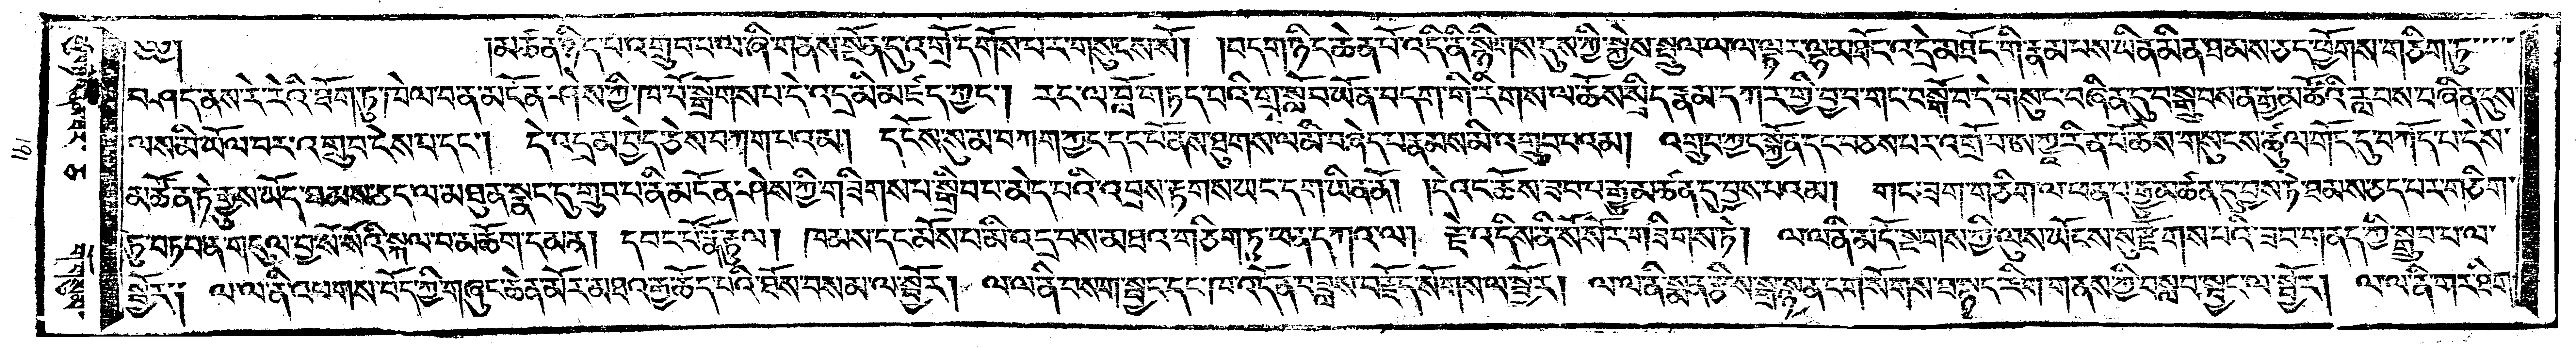༄༅། །མཚན་ཉིད་པ་འགྲུབ་པ་ལ་ཞི་གནས་སྔོན་དུ་འགྲོ་དགོས་བར་གསུངས་སོ། །བདག་ཉིད་ཆེན་པོ་འདི་ནི་སྙིགས་དུས་ཀྱི་སྐྱེས་སྤྲུལ་ལ་ལ་ལྟར་ལྷ་མཐོང་འདྲེ་མཐོང་གི་རྣམ་པས་ཡིན་མིན་ཐམས་ཅད་ཕྱོགས་གཅིག་ཏུ་
བཤད་ནས་རེ་རེའི་ཐོག་ཏུ་ཁེལ་བ་ན་མངོན་ཤེས་ཀྱི་ཁ་པོ་སྒྲོགས་བདེ་འདྲ་མི་མཛད་ཀྱང་། རང་ལ་བློ་གཏང་པའི་གྲྭ་སློབ་ཡོན་བདག་གི་རིགས་ལ་ཆོས་སྲིད་རྣམ་དཀར་གྱི་བྱ་བ་གང་བསྒོ་བདེ་གསུང་བཞིན་དུ་བསྒྲུབས་ན་རྒྱ་མཚོའི་རླབས་བཞིན་དུས་
ལས་མི་ཡོལ་བར་འགྲུབ་ངེས་པ་དང་། དེ་འདྲ་མ་བྱེད་ཅེས་བཀག་པའམ། དངོས་སུ་མ་བཀག་ཀྱང་དང་པོ་ནས་ཐུགས་ལ་མི་བཞེད་པ་རྣམས་མི་འགྲུབ་པའམ། འགྲུབ་ཀྱང་སྐྱོན་དང་བཅས་པར་འགྲོ་བ་ཨ་ཀྱཱ་རིན་པོ་ཆེས་གསུངས་ཚུལ་གོང་དུ་བཀོད་པ་དེས་
མཚོན་ཏེ་རྒྱུས་ཡོད་ཐམས་ཅད་ལ་མཐུན་སྣང་དུ་གྲུབ་པ་ནི་མངོན་ཤེས་ཀྱི་གཟིགས་པ་སྒྲིབ་པ་མེད་པའི་འབྲས་རྟགས་ཡང་དག་ཡིན་ནོ། །དེའང་ཆོས་ཟབ་པ་རྒྱུ་མཚན་དུ་བྱས་པའམ། །གང་ཟག་གཅིག་ལ་ཕན་པ་རྒྱུ་མཚན་དུ་བྱས་ཏེ་ཐམས་ཅད་པར་གཅིག་
ཏུ་བཏབ་ན་གདུལ་བྱ་སོ་སོའི་སྐལ་བ་མཆོག་དམན། དབང་པོ་རྣོ་རྟུལ། ཁམས་དང་མོས་བ་མི་འདྲ་བས་མཐའ་གཅིག་ཏུ་ཕན་དཀའ་ལ། རྗེ་འདིས་ནི་སོ་སོར་གཟིགས་ཏེ། ལ་ལ་ནི་མདོ་སྔགས་ཀྱི་ལུས་ཡོངས་སུ་རྫོགས་པའི་ཟབ་གནད་ཀྱི་སྒྲུབ་པ་ལ་
སྦྱོར༑ ལ་ལ་ནི་འཕགས་བོད་ཀྱི་གཞུང་ཆེན་མོར་མཐའ་རྒྱ་ཆོད་པའི་ཐོས་བསམ་ལ་སྦྱོར། ལ་ལ་ནི་བསག་སྦྱང་དང་ཁ་འདོན་བཟླས་བརྗོད་སོགས་ལ་སྦྱོར། ལ་ལ་ནི་སྨན་རྩིས་སྒྲ་སྙན་ངག་སོགས་ཐ་སྙད་རིག་གནས་ཀྱི་བསླབ་སྦྱང་ལ་སྦྱོར། ལ་ལ་ནི་གར་ཐིག་